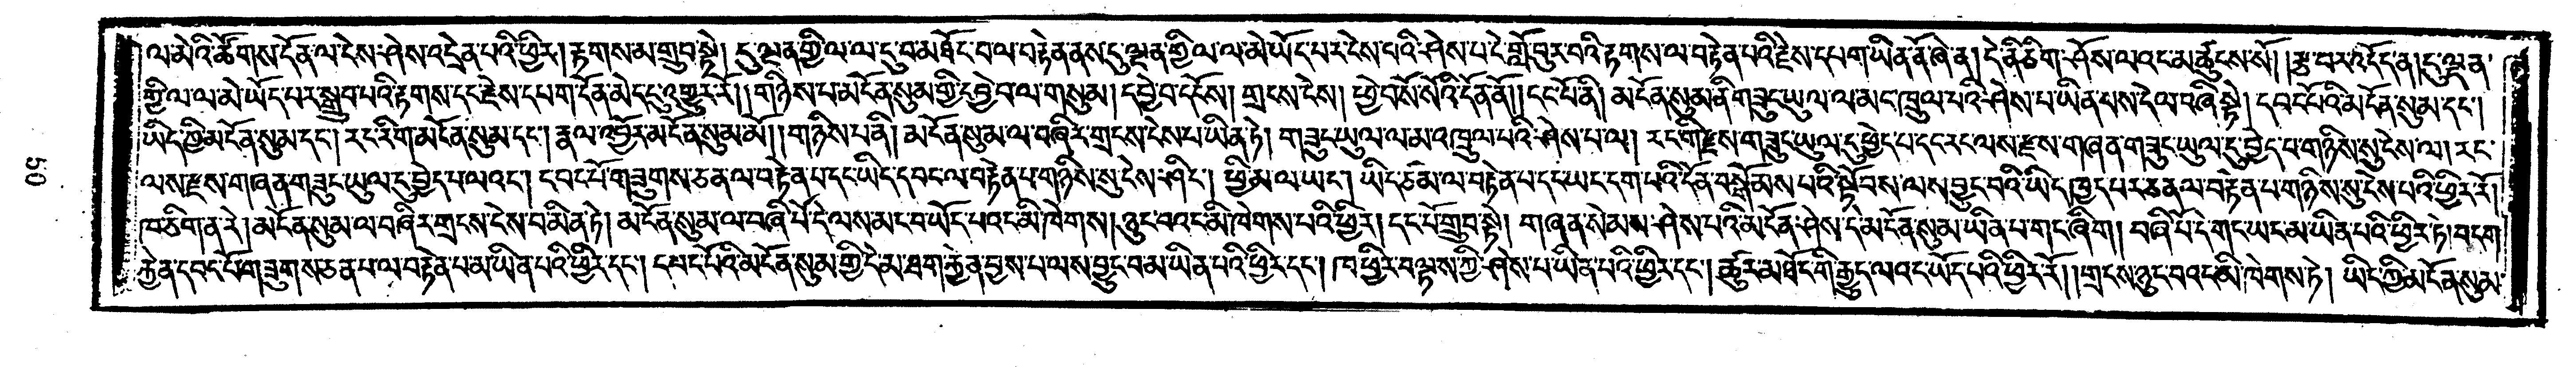ལ་མེའི་ཚོགས་དོན་ལ་ངེས་ཤེས་འདྲེན་པའི་ཕྱིར། རྟགས་མ་གྲུབ་སྟེ། དུ་ལྡན་གྱི་ལ་ལ་དུ་བ་མཐོང་བ་ལ་བརྟེན་ནས་དུ་ལྡན་གྱི་ལ་ལ་མེ་ཡོད་པར་ངེས་པའི་ཤེས་པ་དེ་གློ་བུར་བའི་རྟགས་ལ་བརྟེན་པའི་རྗེས་དཔག་ཡིན་ནོ་ཞེ་ན། དེ་ནི་ཅིག་ཤོས་ལའང་མཚུངས་སོ། །རྩ་བར་འདོད་ན། དུ་ལྡན་
གྱི་ལ་ལ་མེ་ཡོད་པར་སྒྲུབ་པའི་རྟགས་དང་རྗེས་དཔག་དོན་མེད་དུ་འགྱུར་རོ། །གཉིས་པ་མངོན་སུམ་གྱི་དབྱེ་བ་ལ་གསུམ། དབྱེ་བ་དངོས། གྲངས་ངེས། ཕྱེ་བ་སོ་སོའི་དོན་ནོ། །དང་པོ་ནི། མངོན་སུམ་ནི་གཟུང་ཡུལ་ལ་མ་འཁྲུལ་བའི་ཤེས་པ་ཡིན་པས་དེ་ལ་བཞི་སྟེ། དབང་པོའི་མངོན་སུམ་དང་།
ཡིད་ཀྱི་མངོན་སུམ་དང་། རང་རིག་མངོན་སུམ་དང་། རྣལ་འབྱོར་མངོན་སུམ་མོ། །གཉིས་པ་ནི། མངོན་སུམ་ལ་བཞིར་གྲངས་ངེས་པ་ཡིན་ཏེ། གཟུང་ཡུལ་ལ་མ་འཁྲུལ་བའི་ཤེས་པ་ལ། རང་གི་རྫས་གཟུང་ཡུལ་དུ་བྱེད་པ་དང་རང་ལས་རྫས་གཞན་གཟུང་ཡུལ་དུ་བྱེད་པ་གཉིས་སུ་ངེས་ལ། རང་
ལས་རྫས་གཞན་གཟུང་ཡུལ་དུ་བྱེད་པ་ལའང་། དབང་པོ་གཟུགས་ཅན་ལ་བརྟེན་པ་དང་ཡིད་དབང་ལ་བརྟེན་པ་གཉིས་སུ་ངེས་ཤིང་། ཕྱི་མ་ལ་ཡང་། ཡིད་ཙམ་ལ་བརྟེན་པ་དང་ཡང་དག་པའི་དོན་བསྒོམས་པའི་སྟོབས་ལས་བྱུང་བའི་ཡིད་ཁྱད་པར་ཅན་ལ་བརྟེན་པ་གཉིས་སུ་ངེས་པའི་ཕྱིར་རོ།།
ཁ་ཅིག་ན་རེ། མངོན་སུམ་ལ་བཞིར་གྲངས་ངེས་པ་མིན་ཏེ། མངོན་སུམ་ལ་བཞི་པོ་དེ་ལས་མང་བ་ཡོད་པའང་མི་ཁེགས། ཉུང་བའང་མི་ཁེགས་པའི་ཕྱིར། དང་པོ་གྲུབ་སྟེ། གཞན་སེམས་ཤེས་པའི་མངོན་ཤེས་དེ་མངོན་སུམ་ཡིན་པ་གང་ཞིག །བཞི་པོ་དེ་གང་ཡང་མ་ཡིན་པའི་ཕྱིར་ཏེ། བདག་
རྐྱེན་དབང་པོ་གཟུགས་ཅན་པ་ལ་བརྟེན་པ་མ་ཡིན་པའི་ཕྱིར་དང་། དབང་པོའི་མངོན་སུམ་གྱི་དེ་མ་ཐག་རྐྱེན་བྱས་པ་ལས་བྱུང་བ་མ་ཡིན་པའི་ཕྱིར་དང་། ཁ་ཕྱིར་བལྟས་ཀྱི་ཤེས་པ་ཡིན་པའི་ཕྱིར་དང་། ཚུར་མཐོང་གི་རྒྱུད་ལའང་ཡོད་པའི་ཕྱིར་རོ། །གྲངས་ཉུང་བའང་མི་ཁེགས་ཏེ། ཡིད་ཀྱི་མངོན་སུམ་